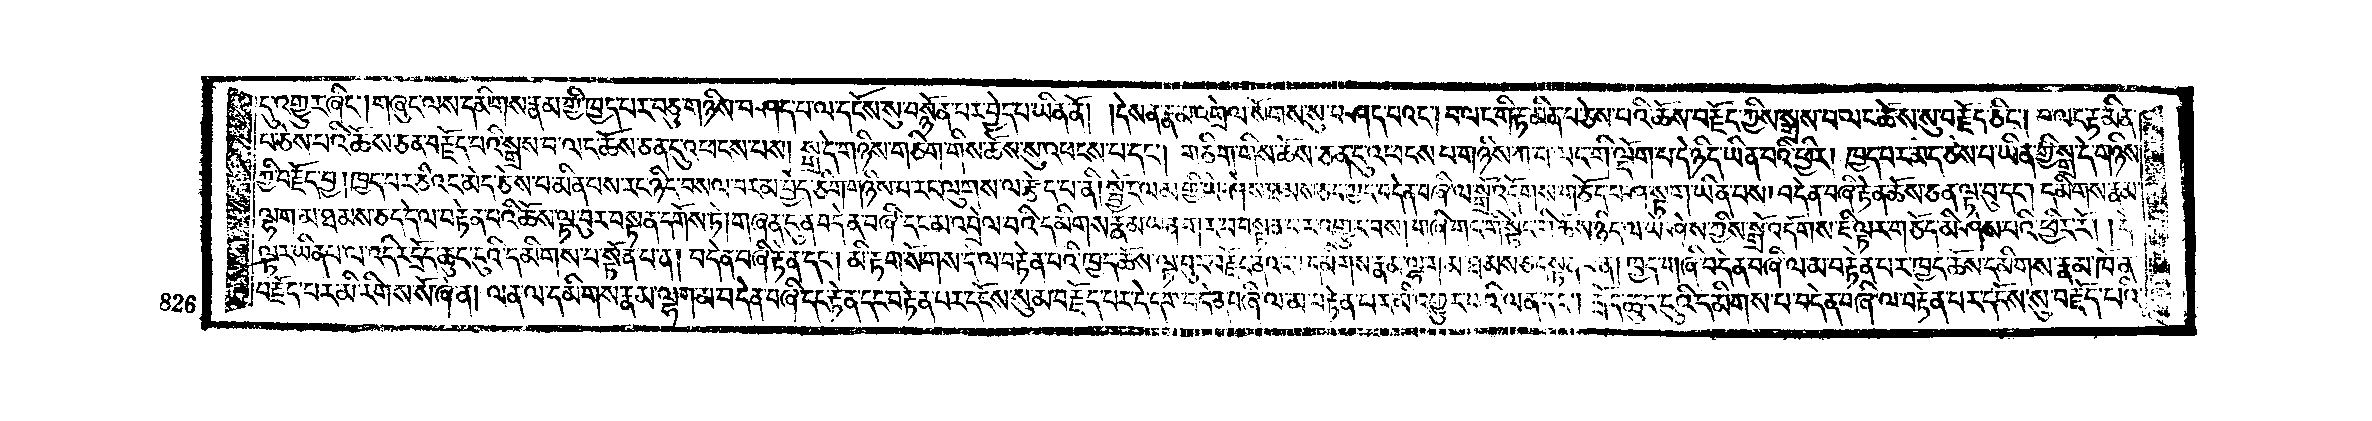དུ་འགྱུར་ཞིང་། གཞུང་ལས་དམིགས་རྣམ་གྱི་ཁྱད་པར་བཅུ་གཉིས་བཤད་པ་ལ་དངོས་སུ་བསྙོན་པར་བྱེད་པ་ཡིན་ནོ། །དེས་ན་རྣམ་འགྲེལ་སོགས་སུ་བཤད་པའང་། བ་ལང་གི་རྟ་མིན་པ་ཅེས་པའི་ཆོས་བརྗོད་ཀྱིས་སྒྲས་བ་ལང་ཆོས་སུ་བརྗོད་ཅིང་། བ་ལང་རྟ་མིན་
པ་ཅེས་པའི་ཆོས་ཅན་བརྗོད་པའི་སྒྲས་བ་ལང་ཆོས་ཅན་དུ་འཕངས་པས། སྒྲ་དེ་གཉིས་གཅིག་གིས་ཆོས་སུ་འཕངས་པ་དང་། གཅིག་གིས་ཆོས་ཅན་དུ་འཕངས་པ་གཉིས་ཀ་བ་ལང་གི་ལྡོག་པ་དེ་ཉིད་ཡིན་པའི་ཕྱིར། ཁྱད་པར་མེད་ཅེས་པ་ཡིན་གྱི་སྒྲ་དེ་གཉིས་
ཀྱི་བརྗོད་བྱ། ཁྱད་པར་ཅིའང་མེད་ཅེས་པ་མིན་པས་རང་ཉིད་བསལ་བར་མ་བྱེད་ཅིག་གཉིས་པ་རང་ལུགས་ལ་རྩོད་པ་ནི། སྦྱོར་ལམ་གྱི་ཡེ་ཤེས་ཐམས་ཅད་ཀྱང་བདེན་བཞི་ལ་སྒྲོ་འདོགས་གཅོད་པ་ཤ་སྟག་ཡིན་པས། བདེན་བཞི་རྟེན་ཆོས་ཅན་ལྟ་བུ་དང་། དམིགས་རྣམ་
ལྷག་མ་ཐམས་ཅད་དེ་ལ་བརྟེན་པའི་ཆོས་ལྟ་བུར་བསྟན་དགོས་ཏེ། གཞན་དུ་ན་བདེན་བཞི་དང་མ་འབྲེལ་བའི་དམིགས་རྣམ་ཡན་གར་བ་བསྟན་པར་འགྱུར་བས། གཞི་གང་གི་སྟེང་གི་ཆོས་ཉིད་ལ་ཡེ་ཤེས་ཀྱིས་སྒྲོ་འདོགས་ཇི་ལྟར་གཅོད་མི་ཤེས་པའི་ཕྱིར་རོ། །དེ་
ལྟར་ཡིན་པ་ལ་འདིར་དྲོད་ཆུང་ངུའི་དམིགས་པ་སྟོན་པ་ན། བདེན་བཞི་རྟེན་དང་། མི་རྟག་སོགས་དེ་ལ་བརྟེན་པའི་ཁྱད་ཆོས་ལྟ་བུར་བརྗོད་ནའང་། དམིགས་རྣམ་ལྷག་མ་ཐམས་ཅད་སྟོན་པ་ན། ཁྱད་གཞི་བདེན་བཞི་ལ་མ་བརྟེན་པར་ཁྱད་ཆོས་དམིགས་རྣམ་ཁོ་ན་
བརྗོད་པར་མི་རིགས་སོ་ཞེ་ན། ལན་ལ་དམིགས་རྣམ་ལྷག་མ་བདེན་བཞི་དང་རྟེན་དང་བརྟེན་པར་དངོས་སུ་མ་བརྗོད་པར་དེ་དག་བདེན་བཞི་ལ་མ་བརྟེན་པར་མི་འགྱུར་པའི་ལན་དང་། དྲོད་ཆུང་ངུའི་དམིགས་པ་བདེན་བཞི་ལ་བརྟེན་པར་དངོས་སུ་བརྗོད་པའི་